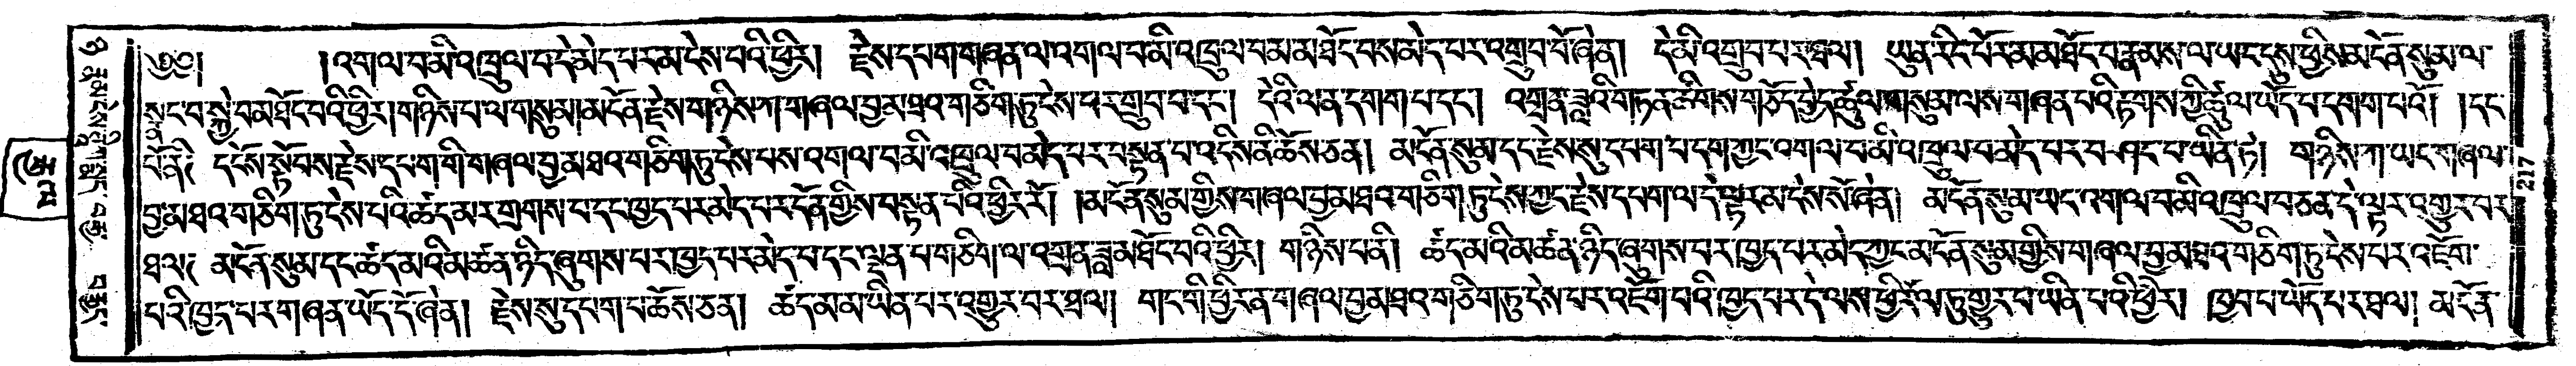༄༅། །འགལ་བ་མི་འཁྲུལ་བ་དེ་མེད་པར་མ་ངེས་པའི་ཕྱིར། རྗེས་དཔག་གཞན་ལ་འགལ་བ་མི་འཁྲུལ་བམ་མཐོང་བས་མེད་པར་འགྲུབ་བོ་ཞེ་ན། དེ་མི་འགྲུབ་པར་ཐལ། ཡུན་རིང་པོར་མ་མཐོང་བ་རྣམས་ལ་ཡང་དུས་ཕྱིས་མངོན་སུམ་ལ་
སྣང་བ་སྐྱེ་བ་མཐོང་བའི་ཕྱིར། གཉིས་པ་ལ་གསུམ། མངོན་རྗེས་གཉིས་ཀ་གཞལ་བྱ་མཐའ་གཅིག་ཏུ་ངེས་པར་གྲུབ་པ་དང་། དེའི་ལན་དགག་པ་དང་། འགྲན་ཟླའི་གཏན་ཚིགས་གཅོད་བྱེད་ཚུལ་གསུམ་ལས་གཞན་པའི་རྟགས་ཀྱི་ཚུལ་ཡོད་པ་དགག་པའོ། །དང་
པོ་ནི༑ དངོས་སྟོབས་རྗེས་དཔག་གི་གཞལ་བྱ་མཐའ་གཅིག་ཏུ་ངེས་པས་འགལ་བ་མི་འཁྲུལ་པ་མེད་པར་བསྟན་པ་འདིས་ནི་ཆོས་ཅན། མངོན་སུམ་དང་རྗེས་སུ་དཔག་པ་དག་ཀྱང་འགལ་བ་མི་འཁྲུལ་པ་མེད་པར་བཤད་པ་ཡིན་ཏེ། གཉིས་ཀ་ཡང་གཞལ་
བྱ་མཐའ་གཅིག་ཏུ་ངེས་པའི་ཚད་མར་གྲགས་པ་དང་ཁྱད་པར་མེད་པར་དོན་གྱིས་བསྟན་པའི་ཕྱིར་རོ། །མངོན་སུམ་གྱིས་གཞལ་བྱ་མཐའ་གཅིག་ཏུ་ངེས་ཀྱང་རྗེས་དཔག་ལ་དེ་ལྟར་མ་ངེས་སོ་ཞེ་ན། མངོན་སུམ་ཡང་འགལ་བ་མི་འཁྲུལ་བ་ཅན་དེ་ལྟར་འགྱུར་བར་
ཐལ༑ མངོན་སུམ་དང་ཚད་མའི་མཚན་ཉིད་ཞུགས་པར་ཁྱད་པར་མེད་པ་དང་ལྡན་པ་གཅིག་ལ་འགྲན་ཟླ་མཐོང་བའི་ཕྱིར། གཉིས་པ་ནི། ཚད་མའི་མཚན་ཉིད་ཞུགས་པར་ཁྱད་པར་མེད་ཀྱང་མངོན་སུམ་གྱིས་གཞལ་བྱ་མཐའ་གཅིག་ཏུ་ངེས་པར་འཇོག་
པའི་ཁྱད་པར་གཞན་ཡོད་དོ་ཞེ་ན། རྗེས་སུ་དཔག་པ་ཆོས་ཅན། ཚད་མ་མ་ཡིན་པར་འགྱུར་བར་ཐལ། གང་གི་ཕྱིར་ན་གཞལ་བྱ་མཐའ་གཅིག་ཏུ་ངེས་པར་འཇོག་པའི་ཁྱད་པར་དེ་ལས་ཕྱི་རོལ་ཏུ་གྱུར་པ་ཡིན་པའི་ཕྱིར། ཁྱབ་པ་ཡིན་པར་ཐལ། མངོན་